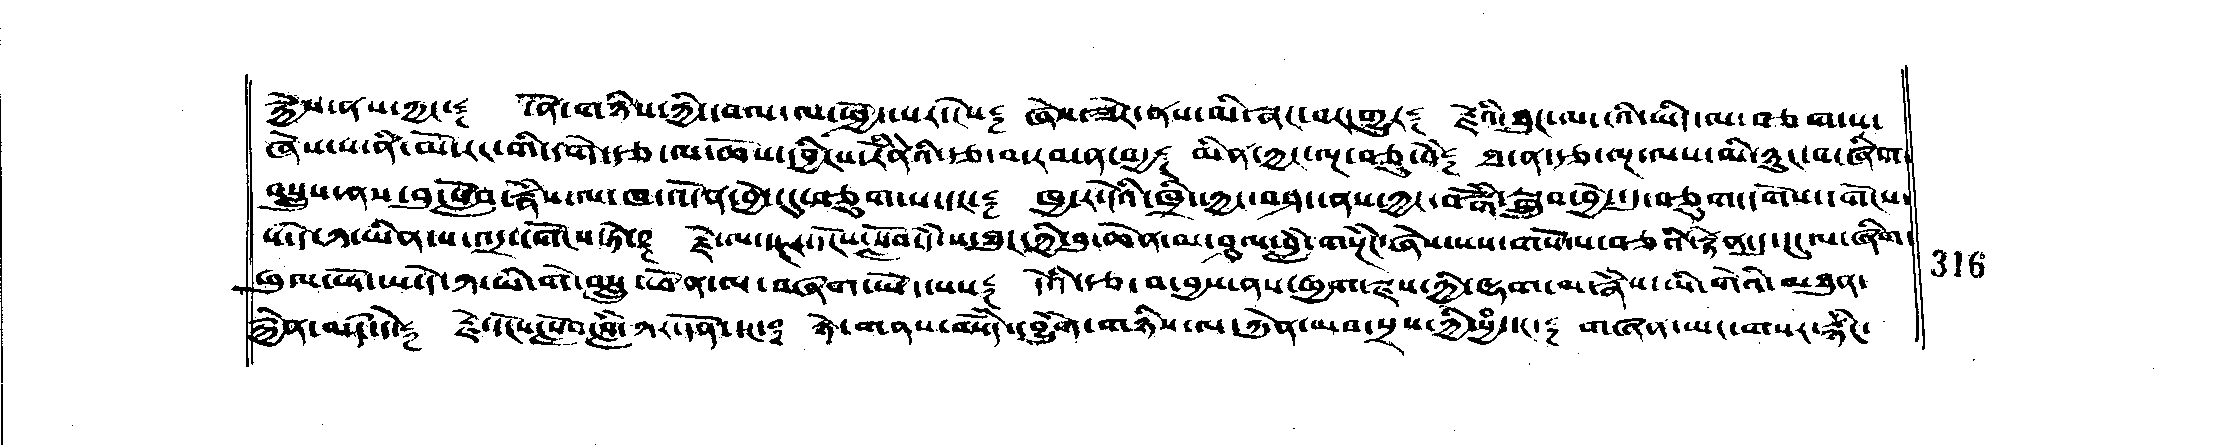སྐྱེས་ནས་ཀྱང་། །དོན་གཉིས་ཀྱི་དཔལ་ལ་སྤྱོད་པར་ངེས། །ཞེས་ཟེར་ནས་མི་སྣང་བར་གྱུར། རྗེའི་ཐུགས་ལ་ངའི་ཡིད་ལ་བཅག་པ་
ཞེས་པ་ནི་མོ་རང་གི་དགེ་རྩ་ལ་ཆོས་དབྱིངས་རིན་པོ་ཆེའི་རྩ་བ་རབ་ན་བརྒྱ། མིན་ཀྱང་ལྔ་བཅུ་འམ། ཐ་ན་རྩ་ལྔ་ལས་མི་ཉུང་བ་ཞིག་
བླུས་ནས་བུ་སློབ་རྣམས་ལ་ཁ་འདོན་བྱེད་དུ་བཅུག་པ་དང་། ཁྱད་པར་དེའི་ཁྲིད་ཀྱང་བཤད་ནས་ཀྱང་བསྒོམ་སྒྲུབ་བྱེད་དུ་བཅུག་དགོས་དགོངས་
པ་དེ་ཀ་ཡིན་པ་འདྲ་དགོངས་ཏེ། རྗེ་ལ་སྔར་དངོས་སློབ་དམ་པ་ཐུགས་ཀྱི་བུ་ཆེན་མ་ཤུལ་བླ་མ་གསང་སྔགས་ཞེས་པས་གསོལ་བཅའི་རྟེན་དུ་དངུལ་ཞིག་
ཕུལ་ཡོད་པ་དེ་ཀ་ཡི་གེ་བླུ་ཡོན་ལ་བཞག་ཡོད་པས། དེའི་རྩ་བ་བྱས་ནས་ཕྱག་རྫས་ཀྱི་ལྷག་མ་རྣམས་ཡི་གེའི་མཐུན་
རྐྱེན་མཛད་དེ། རྗེ་དངོས་སློབ་བླ་མ་ཀར་དོན་དང་། ཉེ་གནས་བསོད་ནམས་དབང་ཕྱུག་མ་གཉིས་ལ་ཀུན་མཁྱེན་ཡབ་སྲས་ཀྱི་གསུང་དང་། གཞན་ཡང་གསར་རྙིང་